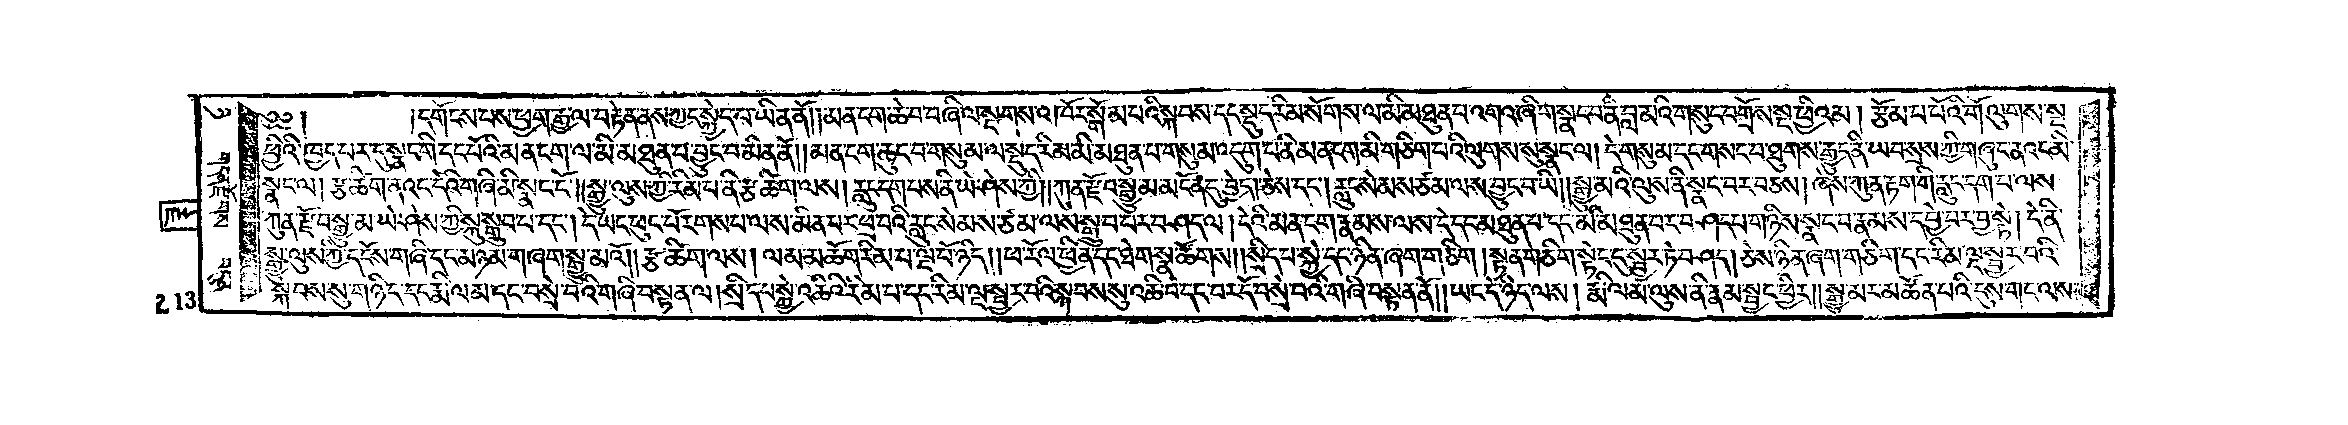༄༅། །དགོངས་པས་ཕྱག་རྒྱ་ལ་བརྟེན་ནས་ཀྱང་སྐྱེད་པ་ཡིན་ནོ། །མན་ངག་ཆེ་བ་བཞི་ལ་སྔགས་འཁོར་སྒོམ་པའི་སྐབས་དང་སྡུད་རིམ་སོགས་ལ་མི་མཐུན་པ་འགའ་ཞིག་སྣང་བ་ནི་བླ་མའི་གསུང་བགྲོས་སྔ་ཕྱིའམ། རྩོམ་པ་པོའི་གོ་ལུགས་སྡེ་
ཕྱིའི་ཁྱད་པར་དུ་སྣང་གི་དང་པོའི་མན་ངག་ལ་མི་མཐུན་པ་བྱུང་བ་མིན་ནོ། །མན་ངག་ཆུང་བ་གསུམ་ལ་སྡུད་རིམ་མི་མཐུན་པ་གསུམ་འདུག་པ་ནི་མན་ངག་མི་གཅིག་པའི་ལུགས་སུ་སྣང་ལ། དེ་གསུམ་དང་གསང་བ་ཐུགས་རྒྱུད་ནི། བ་སྲས་ཀྱི་གཞུང་ནའང་མི་
སྣང་ལ། རྩ་ཚིག་ནའང་དེའི་གཞི་མི་སྣང་ངོ། །སྒྱུ་ལུས་ཀྱི་རིམ་པ་ནི་རྩ་ཚིག་ལས། རླུང་དག་པས་ནི་ཡེ་ཤེས་ཀྱི། །ཀུན་རྫོབ་སྒྱུ་མ་མངོན་དུ་བྱེད། ཅེས་དང་། རླུང་སེམས་ཙམ་ལས་བྱུང་བ་ཡི། །སྒྱུ་མའི་ལུས་ནི་སྣང་བར་བཅས། ཞེས་ཀུན་རྟག་གི་རླུང་དག་པ་ལས་
ཀུན་རྫོབ་སྒྱུ་མ་ཡེ་ཤེས་ཀྱི་སྐུ་སྒྲུབ་པ་དང་། དེ་ཡང་ཕུང་པོ་རགས་པ་ལས་མིན་པར་ཕྲ་བའི་རླུང་སེམས་ཙམ་ལས་སྒྲུབ་པར་བཤད་ལ། དེའི་མན་ངག་རྣམས་ལས་དེ་དང་མཐུན་པ་དང་མི་མཐུན་པར་བཤད་པ་གཉིས་སྣང་བ་རྣམས་དབྱེ་བར་བྱ་སྟེ། དེ་ནི་
སྒྱུ་ལུས་ཀྱི་དངོས་གཞི་དང་མཉམ་གཞག་སྒྱུ་མའོ། །རྩ་ཚིག་ལས། ལམ་མཆོག་རིམ་པ་ལྔ་པོ་ཉིད། །ཕ་རོལ་ཕྱིན་དང་ཐེག་སྣ་ཚོགས། །སྲིད་པ་སྐྱེ་དང་ཉིན་ཞག་གཅིག །སྟན་གཅིག་སྟེང་དུ་སྦྱར་ཏེ་བཤད། ཅེས་ཉིན་ཞག་གཅིག་དང་རིམ་ལྔ་སྦྱར་བའི་
སྐབས་སུ་གཉིད་དང་རྨི་ལམ་དང་བསྲེ་བའི་གཞི་བསྟན་ལ། སྲིད་པ་སྐྱེ་འཆིའི་རིམ་པ་དང་རིམ་ལྔ་སྦྱར་བའི་སྐབས་སུ་འཆི་བ་དང་བར་དོ་བསྲེ་བའི་གཞི་བསྟན་ནོ། །ཡང་དེ་ཉིད་ལས། རྨི་ལམ་ལུས་ནི་རྣམ་སྦྱང་ཕྱིར། །སྒྱུ་མར་མཚོན་པའི་དུས་གང་ལས། །